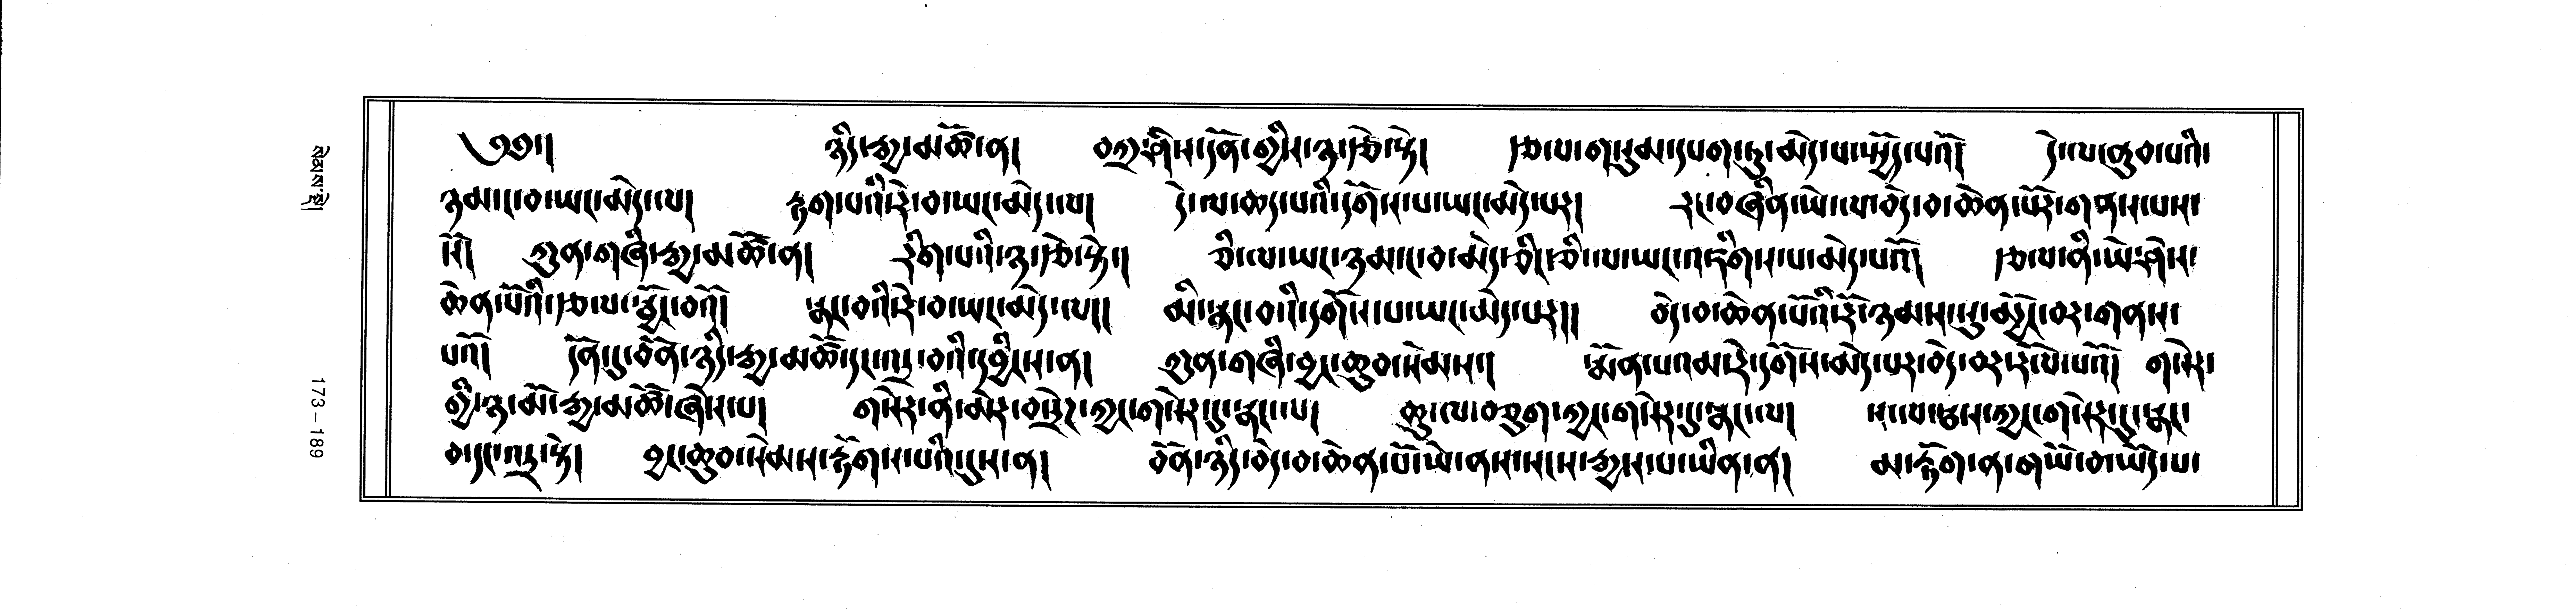ཉིད་རྒྱ་མཚོ་ན། བཀྲ་ཤིས་དོན་གྱི་ཉ་རྩེ་སྟེ། རྩལ་གསུམ་དཔག་ཏུ་མེད་པ་སྤྱོད་པའོ། །དེ་ལ་ནུབ་པའི་
ཉམ་ང་བ་ཡང་མེད་ལ། རྟག་པའི་རེ་བ་ཡང་མེད་ལ། དེ་ལ་ཆད་པའི་དྭོགས་པ་ཡང་མེད་པར། རང་བཞིན་ཡེ་ལ་བདེ་བ་ཆེན་པོར་གནས་པས་
སོ། །ཀུན་གཞི་རྒྱ་མཚོ་ན་རིག་པའི་ཉ་རྩེ་སྟེ། ཅི་ལ་ཡང་ཉམ་ང་བ་མེད་ཅིང་ཅི་ལ་ཡང་འཇིགས་པ་མེད་པའོ། །རྩལ་ནི་ཡེ་ཤེས་
ཆེན་པོའི་རྩལ་སྦྱང་བའོ། །སྣང་བའི་རེ་བ་ཡང་མེད་ལ། མི་སྣང་བའི་དྭོགས་པ་ཡང་མེད་པར། བདེ་བ་ཆེན་པོའི་རོ་ཉམས་སུ་མྱོང་བར་གནས་
པའོ། །དོན་དུ་བོན་ཉིད་རྒྱ་མཚོ་དང་འདྲ་བའི་དབྱིངས་ན། ཀུན་གཞི་བྱང་ཆུབ་ཀྱི་སེམས། སྨོན་པའམ་རེ་དྭོགས་མེད་པར་བདེ་བར་རོལ་པའོ། །གསེར་
གྱི་ཉ་མོ་རྒྱ་མཚོ་ཞེས་པ། གསེར་ནི་མེར་བསྲེགས་ཀྱང་གསེར་དུ་སྣང་ལ། ཆུ་ལ་བཅུག་ཀྱང་གསེར་དུ་སྣང་ལ། ས་ལ་སྦས་ཀྱང་གསེར་དུ་སྣང་
བ་དང་འདྲ་སྟེ། བྱང་ཆུབ་སེམས་རྟོགས་པའི་དུས་ན། བོན་ཉིད་བདེ་བ་ཆེན་པོ་ཡེ་ནས་སངས་རྒྱས་པ་ཡིན་ན། །མ་རྟོགས་ན་གཡོ་བ་ཡོད་པ་